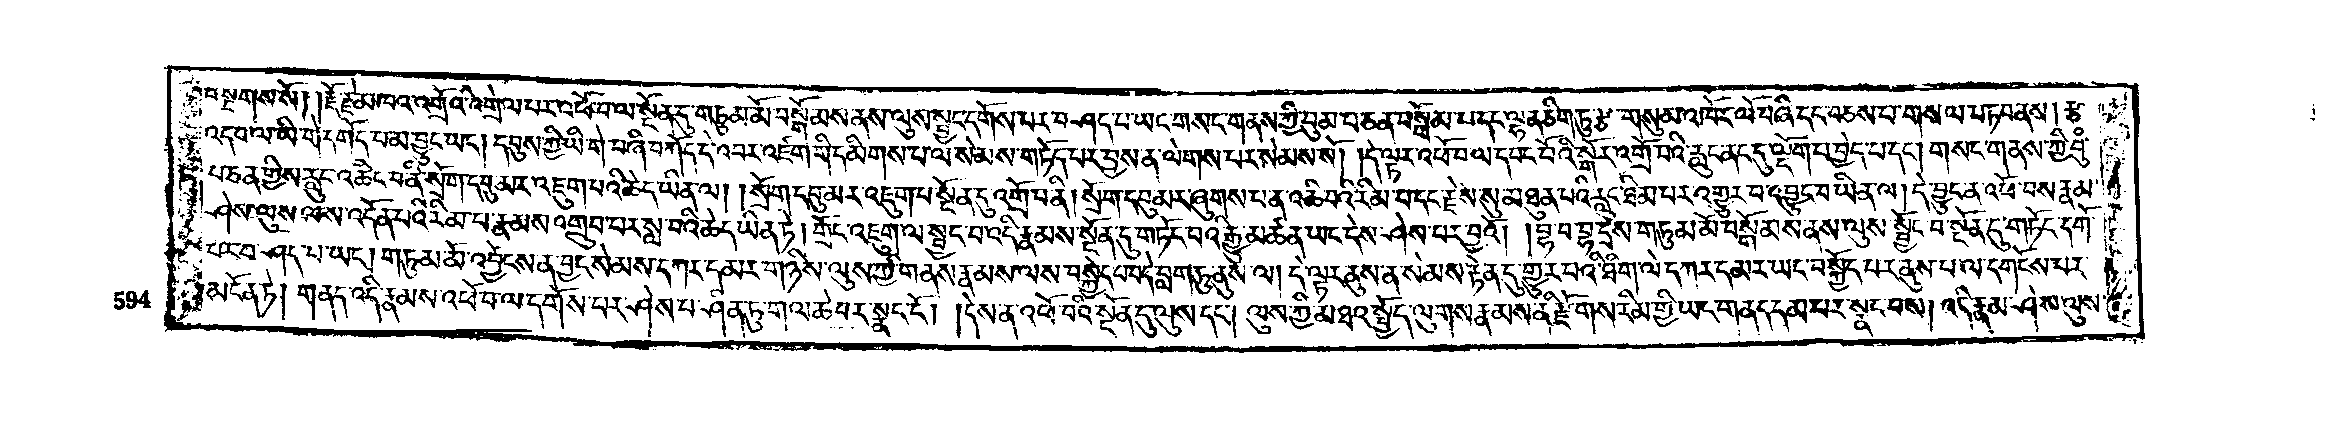བསྔགས་སོ། །རྡོ་རྗེ་མཁའ་འགྲོའི་འགྲེལ་པར་འཕོ་བ་ལ་སྔོན་དུ་གཏུམ་མོ་བསྒོམས་ནས་ལུས་སྦྱང་དགོས་པར་བཤད་པ་ཡང་གསང་གནས་ཀྱི་བུམ་པ་ཅན་བསྒོམ་པ་དང་ལྷན་ཅིག་ཏུ་རྩ་གསུམ་འཁོར་ལོ་བཞི་དང་བཅས་པ་གསལ་བཏབ་ནས། རྩ་
འདབ་ལ་ཡི་གེ་དགོད་པ་མ་བྱུང་ཡང་། དབུས་ཀྱི་ཡི་གེ་བཞི་བཀོད་དེ་འབར་འཛག་གི་དམིགས་པ་ལ་སེམས་གཏོད་པར་བྱས་ན་ལེགས་པར་སེམས་སོ། །དེ་ལྟར་འཕོ་བ་ལ་དབང་པོའི་སྒོར་འགྲོ་བའི་རླུང་ནང་དུ་ལྡོག་པ་བྱེད་པ་དང་། གསང་གནས་ཀྱི་བུཾ་
པ་ཅན་གྱིས་རླུང་འཆིང་བ་ནི་སྲོག་དབུ་མར་འཇུག་པའི་ཆེད་ཡིན་ལ། །སྲོག་དབུ་མར་འཇུག་པ་སྔོན་དུ་འགྲོ་བ་ནི། སྲོག་དབུ་མར་ཞུགས་པ་ན་འཆི་བའི་རིམ་པ་དང་རྗེས་སུ་མཐུན་པའི་རླུང་ཐིམ་པར་འགྱུར་བ་འབྱུང་བ་ཡིན་ལ། དེ་བྱུང་ན་འཕོ་བས་རྣམ་
ཤེས་ལུས་ལས་འདོན་པའི་རིམ་པ་རྣམས་འགྲུབ་པར་སླ་བའི་ཆེད་ཡིན་ཏེ། གྲོང་འཇུག་ལ་སྦྱང་བ་འདི་རྣམས་སྔོན་དུ་གཏོང་བའི་རྒྱུ་མཚན་ཡང་དེས་ཤེས་པར་བྱའོ། །བྷ་བ་བྷ་དྲས་གཏུམ་མོ་བསྒོམས་ནས་ལུས་སྦྱོང་བ་སྔོན་དུ་གཏོང་དགོ་
པར་བཤད་པ་ཡང་། གཏུམ་མོ་འབྱོངས་ན་བྱང་སེམས་དཀར་དམར་གཉིས་ལུས་ཀྱི་གནས་རྣམས་ལས་བསྐྱེད་པ་བདེ་བླག་ཏུ་ནུས་ལ། དེ་ལྟར་ནུས་ན་སེམས་རྟེན་དུ་གྱུར་པའི་ཐིག་ལེ་དཀར་དམར་ཡང་བསྐྱོད་པར་ནུས་པ་ལ་དགོངས་པར་
མངོན་ཏེ། གནད་འདི་རྣམས་འཕོ་བ་ལ་དགོས་པར་ཤེས་པ་ཤིན་ཏུ་གལ་ཆེ་བར་སྣང་ངོ། །དེས་ན་འཕོ་བའི་སྔོན་དུ་ལུས་དང་། ལུས་ཀྱི་མཐའ་སྤྱོད་ལུགས་རྣམས་ནི་རྫོགས་རིམ་གྱི་ཡང་གནད་དམ་པར་སྣང་བས། འདི་རྣམ་ཤེས་ལུས་